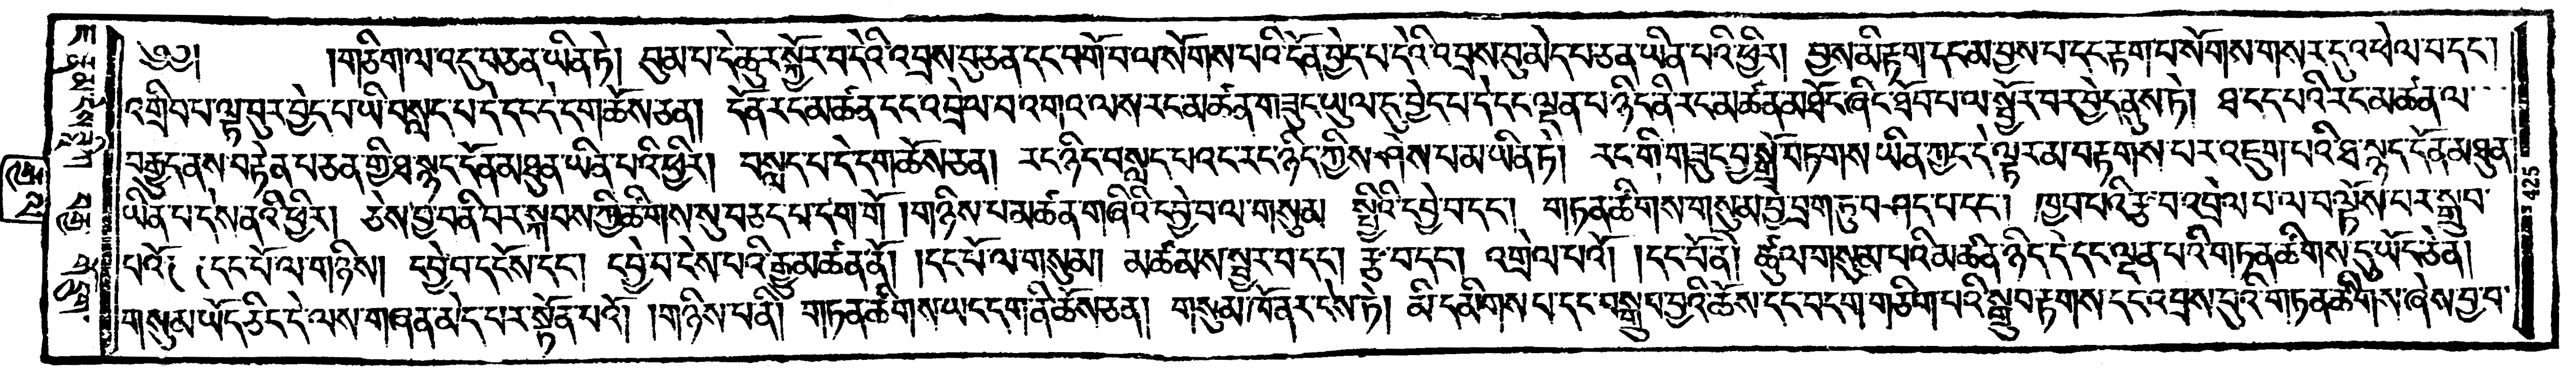༄༅། །གཅིག་ལ་འདུ་བ་ཅན་ཡིན་ཏེ། བུམ་པ་དེ་ཆུར་སྐྱོར་བ་དེའི་འབྲས་བུ་ཅན་དང་བགོ་བ་ལ་སོགས་པའི་དོན་བྱེད་པ་དེའི་འབྲས་བུ་མེད་པ་ཅན་ཡིན་པའི་ཕྱིར། བྱས་མི་རྟག་དང་མ་བྱས་པ་དང་རྟག་པ་སོགས་གསར་དུ་འཕེལ་བ་དང་།
འགྲིབ་པ་ལྟ་བུར་བྱེད་པ་ཡི་བསླད་པ་དེ་དང་དེ་དག་ཆོས་ཅན། དོན་རང་མཚན་དང་འབྲེལ་བ་འགའ་ལས་རང་མཚན་གཟུང་ཡུལ་དུ་བྱེད་པ་དེ་དང་ལྡན་པ་ཉིད་ནི་རང་མཚན་མཐོང་ཞིང་ཐོབ་པ་ལ་སྦྱོར་བར་བྱེད་ནུས་ཏེ། ཐ་དད་པའི་རང་མཚན་ལ་
བརྒྱུད་ནས་བརྟེན་པ་ཅན་གྱི་ཐ་སྙད་དོན་མཐུན་ཡིན་པའི་ཕྱིར། བསླད་པ་དེ་དག་ཆོས་ཅན། རང་ཉིད་བསླད་པའང་རང་ཉིད་ཀྱིས་ཤེས་པ་མ་ཡིན་ཏེ། རང་གི་གཟུང་བྱ་སྒྲོ་བཏགས་ཡིན་ཀྱང་དེ་ལྟར་མ་བརྟགས་པར་འཇུག་པའི་ཐ་སྙད་དོན་མཐུན་
ཡིན་པ་དེས་ནའི་ཕྱིར། ཅེས་བྱ་བ་ནི་བར་སྐབས་ཀྱི་ཚིགས་སུ་བཅད་པ་དག་གོ །གཉིས་པ་མཚན་གཞིའི་དབྱེ་བ་ལ་གསུམ། སྤྱིའི་དབྱེ་བ་དང་། གཏན་ཚིགས་གསུམ་བྱེ་བྲག་ཏུ་བཤད་པ་དང་། ཁྱབ་པའི་རྩ་བ་འབྲེལ་པ་ལ་བལྟོས་པར་སྒྲུབ་
པའོ། །དང་པོ་ལ་གཉིས། དབྱེ་བ་དངོས་དང་། དབྱེ་བ་ངེས་པའི་རྒྱུ་མཚན་ནོ། །དང་པོ་ལ་གསུམ། མཚམས་སྦྱར་བ་དང་། རྩ་བ་དང་། འགྲེལ་པའོ། །དང་པོ་ནི། ཚུལ་གསུམ་པའི་མཚན་ཉིད་དེ་དང་ལྡན་པའི་གཏན་ཚིགས་དུ་ཡོད་ཅེ་ན།
གསུམ་ཡོད་ཅིང་དེ་ལས་གཞན་མེད་པར་སྟོན་པའོ། །གཉིས་པ་ནི། གཏན་ཚིགས་ཡང་དག་ནི་ཆོས་ཅན། གསུམ་ཁོ་ནར་ངེས་ཏེ། མི་དམིགས་པ་དང་བསྒྲུབ་བྱའི་ཆོས་དང་བདག་གཅིག་པའི་སྒྲུབ་རྟགས་དང་འབྲས་བུའི་གཏན་ཚིགས་ཞེས་བྱ་བ་